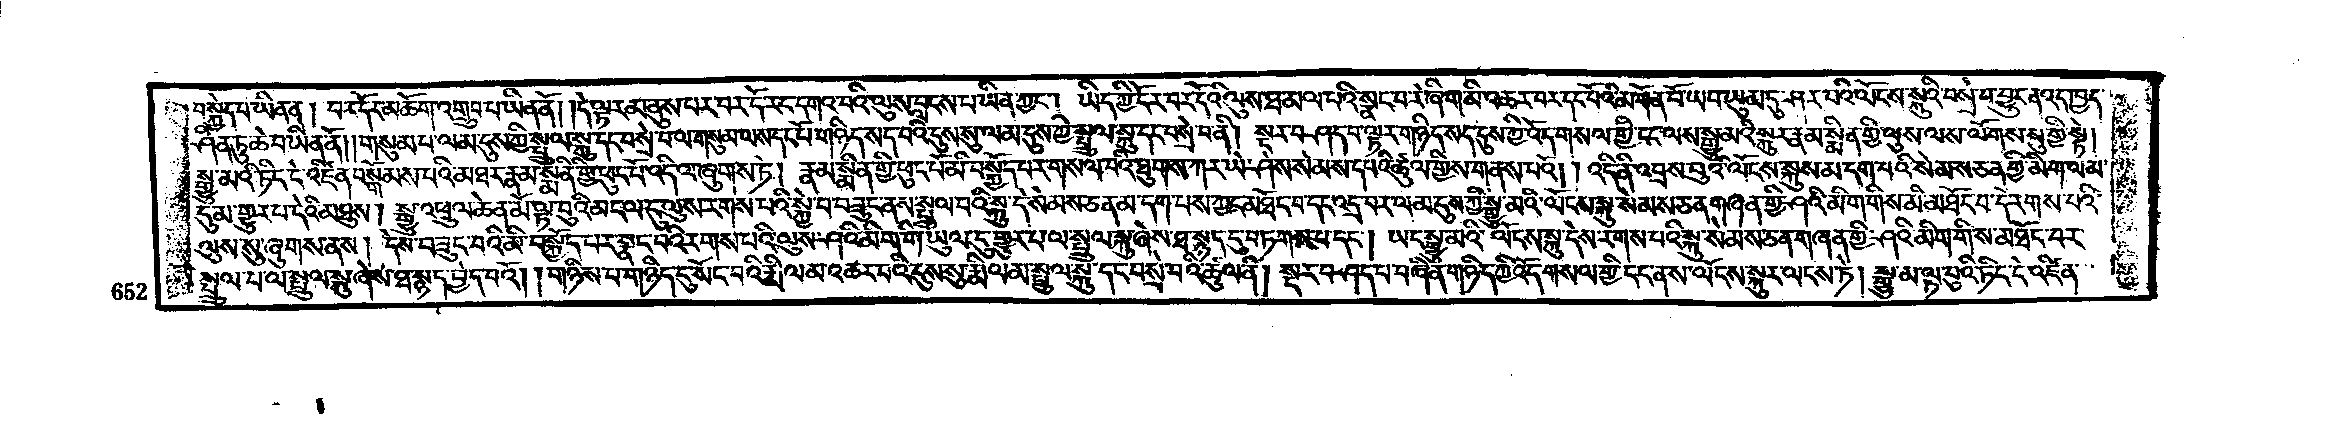བསྐྱེད་པ་ཡིན་ནོ། །བར་དོར་མཆོག་འགྲུབ་པ་ཡིན་ནོ། །དེ་ལྟར་མ་ནུས་པར་བར་དོ་རང་དགའ་བའི་ལུས་བླངས་པ་ཡིན་ཀྱང་། ཡིད་ཀྱི་ངོར་བར་དོའི་ལུས་ཐ་མལ་པའི་སྣང་བ་རེ་ཞིག་མི་འཆར་བར་དང་པོའི་མགོན་པོ་ཡབ་ཡུམ་དུ་ཤར་བའི་ལོངས་སྐུའི་བསྲེ་བ་བྱུང་ནའང་ཁྱད་
ཤིན་ཏུ་ཆེ་བ་ཡིན་ནོ། །གསུམ་པ་ལམ་དུས་ཀྱི་སྤྲུལ་སྐུ་དང་བསྲེ་བ་ལ་གསུམ་ལས་དང་པོ་གཉིད་སད་པའི་དུས་སུ་ལམ་དུས་ཀྱི་སྤྲུལ་སྐུ་དང་བསྲེ་བ་ནི། སྔར་བཤད་པ་ལྟར་གཉིད་སད་དུས་ཀྱི་འོད་གསལ་གྱི་ངང་ལས་སྒྱུ་མའི་སྐུར་རྣམ་སྨིན་གྱི་ལུས་ལས་ལོགས་སུ་བྱེ་སྟེ།
སྒྱུ་མའི་ཏིང་ངེ་འཛིན་བསྒོམས་པའི་མཐར་རྣམ་སྨིན་གྱི་ཕུང་པོ་འདི་ལ་ཞུགས་ཏེ། རྣམ་སྨིན་གྱི་ཕུང་པོ་མི་བསྐྱོད་པར་གསལ་བའི་ཐུགས་ཀར་ཡེ་ཤེས་སེམས་དཔའི་ཚུལ་གྱིས་གནས་པའོ། །འདི་ནི་འབྲས་བུའི་ལོངས་སྐུས་མ་དག་པའི་སེམས་ཅན་གྱི་མིག་ལམ་
དུ་མ་གྱུར་པ་དེའི་མཐུས། སྒྱུ་འཕྲུལ་ཆེན་མོ་ལྟ་བུའི་མངལ་དུ་ལུས་རགས་པའི་སྐྱེ་བ་བཟུང་ནས་སྤྲུལ་པའི་སྐུ་དེ་སེམས་ཅན་མ་དག་པས་ཀྱང་མཐོང་བ་དང་འདྲ་བར་ལམ་དུས་ཀྱི་སྒྱུ་མའི་ལོངས་སྐུ་སེམས་ཅན་གཞན་གྱི་ཤའི་མིག་གིས་མི་མཐོང་བ་དེ་རགས་པའི་
ལུས་སུ་ཞུགས་ནས། དེས་བཟུང་བའི་མི་བསྐྱོད་པར་སྣང་བའི་རགས་པའི་ལུས་ཤའི་མིག་གི་ཡུལ་དུ་གྱུར་པ་ལ་སྤྲུལ་སྐུ་ཞེས་ཐ་སྙད་དུ་བཏགས་པ་དང་། ཡང་སྒྱུ་མའི་ལོངས་སྐུ་དེས་རགས་པའི་སྐུ་སེམས་ཅན་གཞན་གྱི་ཤའི་མིག་གིས་མཐོང་བར་
སྤྲུལ་པ་ལ་སྤྲུལ་སྐུ་ཞེས་ཐ་སྙད་བྱེད་པའོ། །གཉིས་པ་གཉིད་དུ་སོང་བའི་རྨི་ལམ་འཆར་བའི་དུས་སུ་རྨི་ལམ་སྤྲུལ་སྐུ་དང་བསྲེ་བའི་ཚུལ་ནི། སྔར་བཤད་པ་བཞིན་གཉིད་ཀྱི་འོད་གསལ་གྱི་ངང་ནས་ལོངས་སྐུར་ལངས་ཏེ། སྒྱུ་མ་ལྟ་བུའི་ཏིང་ངེ་འཛིན་